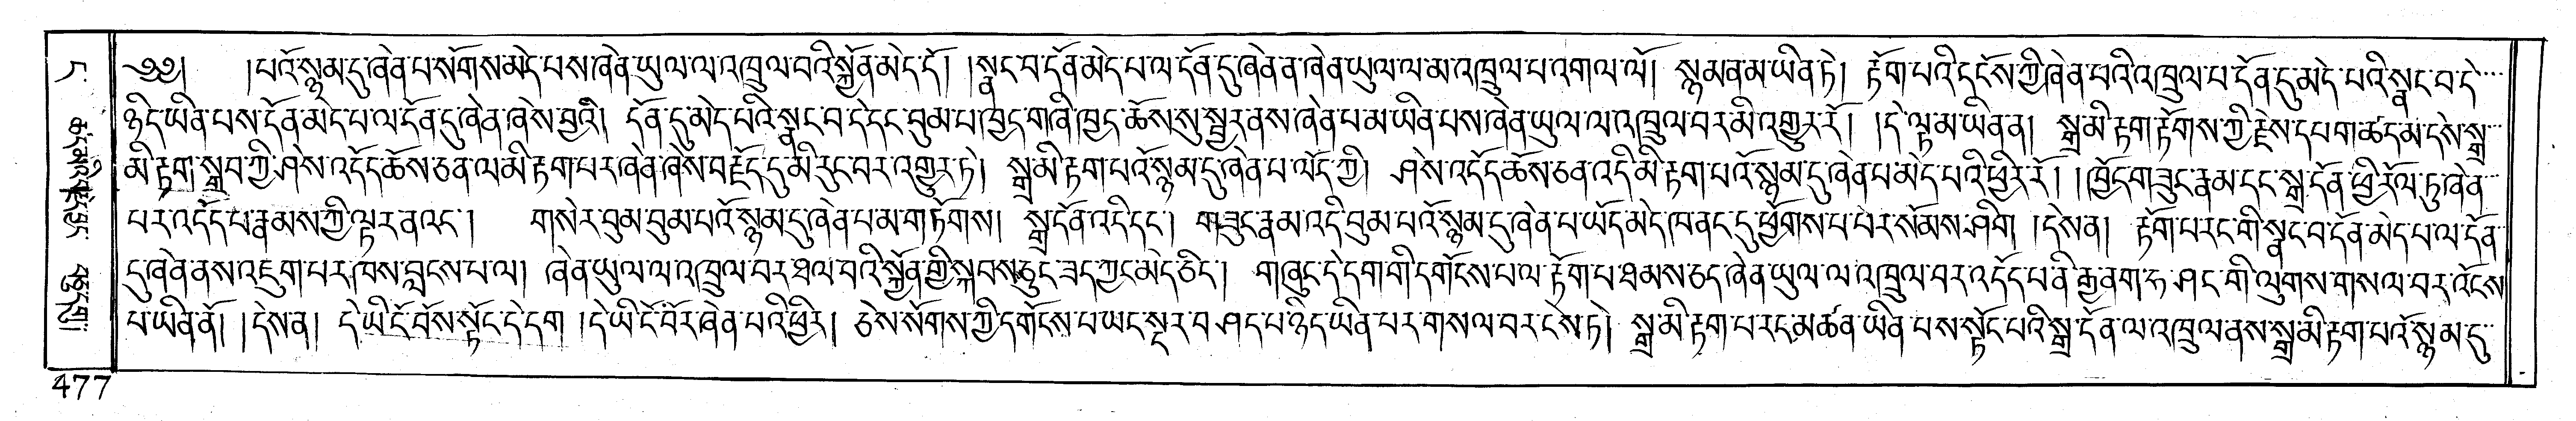༄༅། །པའོ་སྙམ་དུ་ཞེན་པ་སོགས་མེད་པས་ཞེན་ཡུལ་ལ་འཁྲུལ་བའི་སྐྱོན་མེད་དོ། །སྣང་བ་དོན་མེད་པ་ལ་དོན་དུ་ཞེན་ན་ཞེན་ཡུལ་ལ་མ་འཁྲུལ་བ་འགལ་ལོ། སྙམ་ན་མ་ཡིན་ཏེ། རྟོག་པའི་དངོས་ཀྱི་ཞེན་པའི་འཁྲུལ་པ་དོན་དུ་མེད་པའི་སྣང་བ་དེ་
ཉིད་ཡིན་པས་དོན་མེད་པ་ལ་དོན་དུ་ཞེན་ཞེས་བྱའི། དོན་དུ་མེད་པའི་སྣང་བ་དེ་དང་བུམ་པ་ཁྱད་གཞི་ཁྱད་ཆོས་སུ་སྦྱར་ནས་ཞེན་པ་མ་ཡིན་པས་ཞེན་ཡུལ་ལ་འཁྲུལ་བར་མི་འགྱུར་རོ། །དེ་ལྟ་མ་ཡིན་ན། སྒྲ་མི་རྟག་རྟོགས་ཀྱི་རྗེས་དཔག་ཚད་མ་དེས་སྒྲ་
མི་རྟག་སྒྲུབ་ཀྱི་ཤེས་འདོད་ཆོས་ཅན་ལ་མི་རྟག་པར་ཞེན་ཞེས་བརྗོད་དུ་མི་རུང་བར་འགྱུར་ཏེ། སྒྲ་མི་རྟག་པའོ་སྙམ་དུ་ཞེན་པ་ཡོད་ཀྱི། ཤེས་འདོད་ཆོས་ཅན་འདི་མི་རྟག་པའོ་སྙམ་དུ་ཞེན་པ་མེད་པའི་ཕྱིར་རོ། །ཁྱོད་གཟུང་རྣམ་དང་སྒྲ་དོན་ཕྱི་རོལ་ཏུ་ཞེན་
པར་འདོད་པ་རྣམས་ཀྱི་ལྟར་ནའང་། གསེར་བུམ་བུམ་པའོ་སྙམ་དུ་ཞེན་པ་མ་གཏོགས། སྒྲ་དོན་འདི་དང་། གཟུང་རྣམ་འདི་བུམ་པའོ་སྙམ་དུ་ཞེན་པ་ཡོད་མེད་ཁ་ནང་དུ་ཕྱོགས་པ་པར་སོམས་ཤིག །ངེས་ན། རྟོག་པ་རང་གི་སྣང་བ་དོན་མེད་པ་ལ་དོན་
དུ་ཞེན་ནས་འཇུག་པར་ཁས་བླངས་པ་ལ། ཞེན་ཡུལ་ལ་འཁྲུལ་བར་ཐལ་བའི་སྐྱོན་གྱི་སྐབས་ཅུང་ཟད་ཀྱང་མེད་ཅིང་། གཞུང་དེ་དག་གི་དགོངས་པ་ལ་རྟོག་པ་ཐམས་ཅད་ཞེན་ཡུལ་ལ་འཁྲུལ་བར་འདོད་པ་ནི་རྒྱ་ནག་ཧྭ་ཤང་གི་ལུགས་གསལ་བར་འོངས་
པ་ཡིན་ནོ། །དེས་ན། དེ་ཡི་ངོ་བོས་སྟོང་དེ་དག །དེ་ཡི་ངོ་བོར་ཞེན་པའི་ཕྱིར། ཅེས་སོགས་ཀྱི་དགོངས་པ་ཡང་སྔར་བཤད་པ་ཉིད་ཡིན་པར་གསལ་བར་ངེས་ཏེ། སྒྲ་མི་རྟག་པ་རང་མཚན་ཡིན་པས་སྟོང་བའི་སྒྲ་དོན་ལ་འཁྲུལ་ནས་སྒྲ་མི་རྟག་པའོ་སྙམ་དུ་